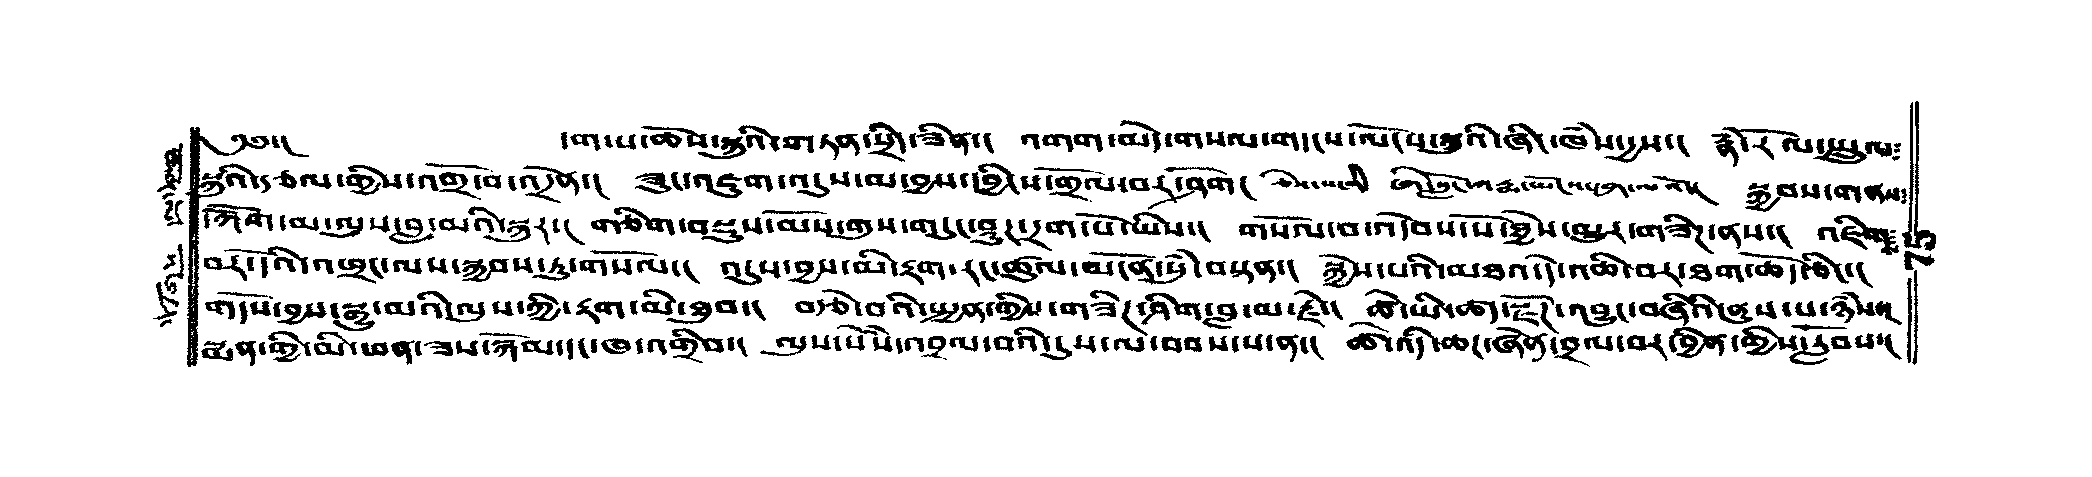དག་པ་ཆོས་སྐུའི་གཏན་སྲིད་ཟིན། །འགགས་མེད་གསལ་གདངས་ལོངས་སྐུའི་ཞིང་ཁམས་རྒྱས། །རྣམ་རོལ་སྤྲུལ་
སྐུའི་རྩལ་གྱིས་འགྲོ་བ་འདྲེན། །ཟུང་འཇུག་འདུས་མ་བྱས་དབྱིངས་གྲོལ་བར་ཤོག ཅེས་པ་ནི། དགེ་སློང་ཀརྨ་ཡོངས་དག་ལའོ།། སྐྱབས་གནས་
དཀོན་མཆོག་མ་ལུས་བླ་མའི་སྐུར། །གཅིག་བསྡུས་མོས་གུས་གདུང་ཤུགས་དྲག་པོ་ཡིས། །གསོལ་བ་འདེབས་སོ་ཐུགས་རྗེས་མྱུར་གཟིགས་ནས། །འཇིགས་
སྐྲག་བར་དོའི་འཕྲང་ལས་སྐྱབས་སུ་གསོལ། །འདུས་བྱས་མི་རྟག་རང་ཚུལ་མངོན་སུམ་བསྟན། །སྐྱེས་པའི་མཐའ་དེ་འཆི་བར་ཐག་ཆོད་ཅིང་། །
འདུས་བྱས་སྒྱུ་མའི་ལུས་ཀྱི་རྟག་མི་ཐུབ། །བརྩེ་བའི་སྤྱན་གྱིས་གཟིགས་ཤིག་བླ་མ་རྗེ། །ཚེ་ཡི་ཚད་རྫོགས་འབྱུང་བཞིའི་ནུས་པ་ཉམས། །
སྨན་གྱི་མི་ཕན་ཟས་སྐོམ་དང་ཁ་འགྲིབ། །ལུས་སེམས་འབྲལ་བའི་དུས་ལ་བབས་པ་ན། །ཚེ་འདི་ཆགས་ཞེན་བྲལ་བར་བྱིན་གྱིས་རློབས།